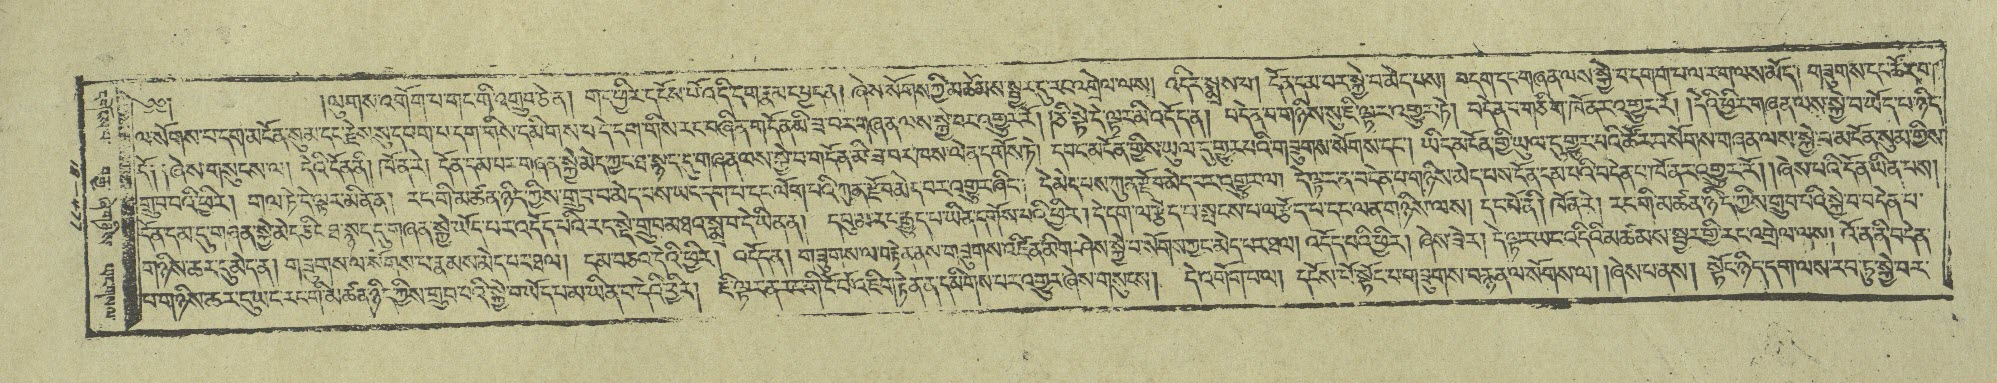༄༅། །ལུགས་འགོག་པ་གང་གི་འགྲུབ་ཅེ་ན། གང་ཕྱིར་དངོས་པོ་འདི་དག་རྣམ་དཔྱད་ན། ཞེས་སོགས་ཀྱི་མཚམས་སྦྱར་དུ་རང་འགྲེལ་ལས། འདིར་སྨྲས་བ། དོན་དམ་པར་སྐྱེ་བ་མེད་པས། བདག་དང་གཞན་ལས་སྐྱེ་བ་དགག་པ་ལ་རག་ལས་མོད། གཟུགས་དང་ཚོར་བ་
ལ་སོགས་པ་དག་མངོན་སུམ་དང་རྗེས་སུ་དཔག་པ་དག་གིས་དམིགས་པ་དེ་དག་གིས་རང་བཞིན་གདོན་མི་ཟ་བར་གཞན་ལས་སྐྱེ་བར་འགྱུར་རོ། །ཅི་སྟེ་དེ་ལྟར་མི་འདོད་ན། བདེན་པ་གཉིས་སུ་ཇི་ལྟར་འགྱུར་ཏེ། བདེན་པ་གཅིག་ཁོ་ནར་འགྱུར་རོ། །དེའི་ཕྱིར་གཞན་ལས་སྐྱེ་བ་ཡོད་པ་ཉིད་
དོ། །ཞེས་གསུངས་ལ། དེའི་དོན་ནི། ཁོ་ན་རེ། དོན་དམ་པར་གཞན་སྐྱེ་མེད་ཀྱང་ཐ་སྙད་དུ་གཞན་ལས་སྐྱེ་བ་གདོན་མི་ཟ་བར་ཁས་ལེན་དགོས་ཏེ། དབང་མངོན་གྱིས་ཡུལ་དུ་གྱུར་པའི་གཟུགས་སོགས་དང་། ཡིད་མངོན་གྱི་ཡུལ་དུ་གྱུར་པའི་ཚོར་བ་སོགས་གཞན་ལས་སྐྱེ་བ་མངོན་སུམ་གྱིས་
གྲུབ་པའི་ཕྱིར། གལ་ཏེ་དེ་ལྟར་མིན་ན། རང་གི་མཚན་ཉིད་ཀྱིས་གྲུབ་པ་མེད་པས་ཡང་དག་པ་དང་ལོག་པའི་ཀུན་རྫོབ་མེད་པར་འགྱུར་ཞིང་། དེ་མེད་པས་ཀུན་རྫོབ་མེད་པར་འགྱུར་ལ། དེ་ལྟར་ན་བདེན་པ་གཉིས་མེད་པས་དོན་དམ་པའི་བདེན་པ་ཁོ་ནར་འགྱུར་རོ། །ཞེས་པའི་དོན་ཡིན་པས།
དོན་དམ་དུ་གཞན་སྐྱེ་མེད་ཅིང་ཐ་སྙད་དུ་གཞན་སྐྱེ་ཡོད་པར་འདོད་པའི་རང་སྡེ་གྲུབ་མཐའ་སྨྲ་བ་དེ་ཡིན་ན། དབུ་མ་རང་རྒྱུད་པ་ཡིན་དགོས་པའི་ཕྱིར། དེ་དག་ལ་རྩོད་པ་སྤངས་པ་ལ་རྩོད་པ་དང་ལན་གཉིས་ལས། དང་པོ་ནི། ཁོ་ན་རེ། རང་གི་མཚན་ཉིད་ཀྱིས་གྲུབ་པའི་སྐྱེ་བ་བདེན་པ་
གཉིས་ཆར་དུ་མེད་ན། གཟུགས་ལ་སོགས་པ་རྣམས་མེད་པར་ཐལ། དམ་བཅའ་དེའི་ཕྱིར། འདོད་ན། གཟུགས་ལ་བརྟེན་ནས་གཟུགས་འཛིན་མིག་ཤེས་སྐྱེ་བ་སོགས་ཀྱང་མེད་པར་ཐལ། འདོད་པའི་ཕྱིར། ཞེས་ཟེར། དེ་ལྟར་ཡང་འདིའི་མཚམས་སྦྱར་གྱི་རང་འགྲེལ་ལས། འོ་ན་ནི་བདེན་
པ་གཉིས་ཆར་དུ་ཡང་རང་གི་མཚན་ཉིད་ཀྱིས་གྲུབ་པའི་སྐྱེ་བ་ཡོད་པ་མ་ཡིན་པ་དེའི་ཕྱིར། ཇི་ལྟར་ན་རང་གི་ངོ་བོ་འཇིག་རྟེན་ན་དམིགས་པར་འགྱུར་ཞེས་གསུངས། དེ་འགོག་པ་ལ། དངོས་པོ་སྟོང་པ་གཟུགས་བརྙན་ལ་སོགས་ལ། །ཞེས་པ་ནས། སྟོང་ཉིད་དག་ལས་རབ་ཏུ་སྐྱེ་བར་